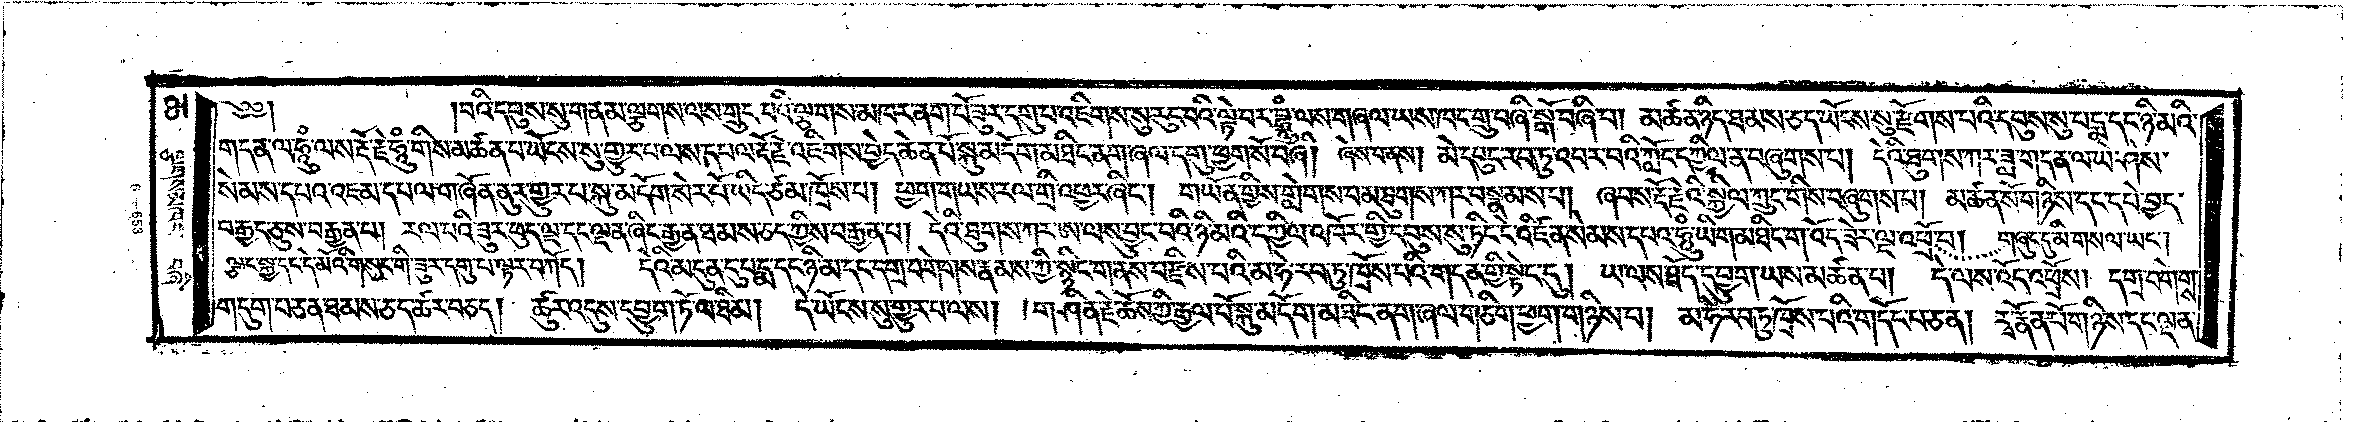༄༅། །བའི་དབུས་སུ་གནམ་ལྕགས་ལས་གྲུང་པའི་ལྕགས་མཁར་ནག་པོ་ཟུར་དགུ་པ་འཇིགས་སུ་རུང་བའི་ལྟེ་བར་བྷྲཱུཾ་ལས་གཞལ་ཡས་ཁང་གྲུ་བཞི་སྒོ་བཞི་པ། མཚན་ཉིད་ཐམས་ཅད་ཡོངས་སུ་རྫོགས་པའི་དབུས་སུ་པདམ་དང་ཉི་མའི་
གདན་ལ་ཧཱུཾ་ལས་རྡོ་རྗེ་ཧཱུཾ་གིས་མཚན་པ་ཡོངས་སུ་གྱུར་པ་ལས་དཔལ་རྡོ་རྗེ་འཇིགས་བྱེད་ཆེན་པོ་སྐུ་མདོག་མཐིང་ནག་ཞལ་དགུ་ཕྱག་སོ་བཞི། ཞེས་པ་ནས།  མེ་དཔུང་རབ་ཏུ་འབར་བའི་ཀློང་དཀྱིལ་ན་བཞུགས་པ། དེའི་ཐུགས་ཀར་ཟླ་གདན་ལ་ཡེ་ཤེས་སེམས་དཔའ་འཇམ་དཔལ་གཞོན་ནུར་གྱུར་པ་སྐུ་མདོག་སེར་པོ་ཡིད་ཙམ་ཁྲོས་པ། ཕྱག་གཡས་རལ་གྲི་འཕྱར་ཞིང་། གཡོན་གྱིས་གླེགས་བམ་ཐུགས་ཀར་བསྣམས་པ། ཞབས་རྡོ་རྗེའི་སྐྱིལ་ཀྲུང་གིས་བཞུགས་པ། མཚན་སོ་གཉིས་དང་དཔེ་བྱད་
བརྒྱད་ཅུས་བརྒྱན་པ། རལ་པའི་ཟུར་ཕུད་ལྔ་དང་ལྡན་ཞིང་རྒྱན་ཐམས་ཅད་ཀྱིས་བརྒྱན་པ། དེའི་ཐུགས་ཀར་ཨ་ལས་བྱུང་བའི་ཉི་མའི་དཀྱིལ་འཁོར་གྱི་དབུས་སུ་ཏིང་ངེ་འཛིན་སེམས་དཔའ་ཧཱུཾ་ཡིག་མཐིང་ག་འོད་ཟེར་ལྔ་འཕྲོ་བ། གཞུང་དུ་མི་གསལ་ཡང་།
ལྕང་སྐྱ་དང་དེ་མོའི་གསུང་གི་ཟུར་དགུ་པ་ལྟར་བཀོད། དེའི་མདུན་དུ་པདམ་དང་ཉི་མ་དང་དགྲ་བགེགས་རྣམས་ཀྱི་སྙིང་གནས་བརྫིས་པའི་མ་ཧེ་རབ་ཏུ་ཁྲོས་པའི་གདན་གྱི་སྟེང་དུ། ཡ་ལས་ཐོད་དབྱུག་ཡས་མཚན་པ། དེ་ལས་འོད་འཕྲོས། དགྲ་བགེགས་
གདུག་པ་ཅན་ཐམས་ཅད་ཚར་བཅད། ཚུར་འདུས་དབྱུག་ཏོ་ལ་ཐིམ། དེ་ཡོངས་སུ་གྱུར་པ་ལས། གཤིན་རྗེ་ཆོས་ཀྱི་རྒྱལ་པོ་སྐུ་མདོག་མཐིང་ནག་ཞལ་གཅིག་ཕྱག་གཉིས་པ། མ་ཧེ་རབ་ཏུ་ཁྲོས་པའི་གདོང་པ་ཅན། རྭ་རྣོན་པོ་གཉིས་དང་ལན་